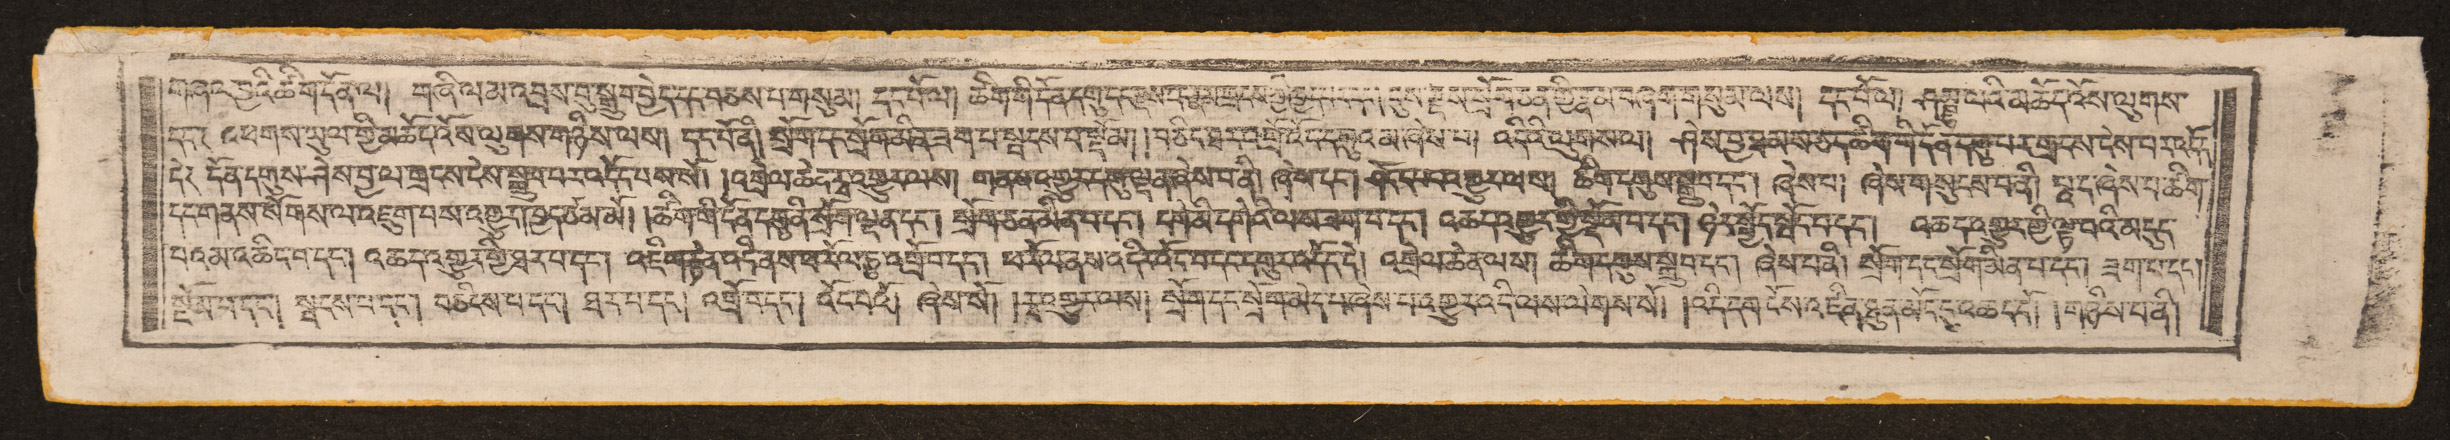གཞའ་བྱའི་ཚིག་དོན་ལ། གཞི་ལམ་འབྲས་བུ་སྒྲུབ་བྱེད་དང་བཅས་པ་གསུམ། དང་པོ་ལ། ཚིག་གི་དོན་དགུ་དང་རྫས་དང་རྣམ་གྲངས་ཀྱི་ཁྱད་པར་དང་། དུས་རྫས་སྲོག་ཅན་གྱི་རྣམ་བཞག་གསུམ་ལས། དང་པོ་ལ། ཤམྦྷ་ལའི་མཆོད་འོས་ལུགས་
དང༑ འཕགས་ཡུལ་གྱི་མཆོད་འོས་ལུགས་གཉིས་ལས། དང་པོ་ནི། སྲོག་དང་སྲོག་མིན་ཟག་པ་སྤངས་པ་སྡོམ། །བཅིང་ཐར་འགྲོ་འོང་དགུའམ་ཞེས་པ། འདིའི་ལུགས་ལ། ཤེས་བྱ་ཐམས་ཅད་ཚིག་གི་དོན་དགུ་པར་གྲངས་ངེས་པར་འདོད་
དེ༑ དོན་དགུས་ཤེས་བྱ་ལ་གྲངས་ངེས་སྒྲུབ་པར་འདོད་པས་སོ། །འགྲེལ་ཆེན་རྭ་འགྱུར་ལས། གནས་འགྱུར་དགུ་ལྡན་ཞེས་པ་ནི། ཞེས་དང་། ཤོད་དཔང་འགྱུར་ལས། ཚིག་དགུས་སྒྲུབ་དང་། ཞེས་པ། ཞེས་གསུངས་པ་ནི། པཱད་ཞེས་པ་ཚིག་
དང་གནས་སོགས་ལ་འཇུག་པས་འགྱུར་ཁྱད་ཙམ་མོ། །ཚིག་གི་དོན་དགུ་ནི་སྲོག་ལྡན་དང་། སྲོག་ཅན་མིན་པ་དང་། དགེ་མི་དགེའི་ལས་ཟག་པ་དང་། འཆད་འགྱུར་གྱི་སྡོམ་པ་དང་། ཉེར་སྤྱོད་སྤོང་བ་དང་། འཆད་འགྱུར་གྱི་ལྟ་བའི་མདུད་
པའམ་འཆིང་བ་དང་། འཆད་འགྱུར་གྱི་ཐར་པ་དང་། འཇིག་རྟེན་འདི་ནས་ཕ་རོལ་ཏུ་འགྲོ་བ་དང་། ཕ་རོལ་ནས་འདིར་འོང་བ་དང་དགུར་འདོད་དེ། འགྲེལ་ཆེན་ལས། ཚིག་དགུས་སྒྲུབ་དང་། ཞེས་པ་ནི། སྲོག་དང་སྲོག་མིན་པ་དང་། ཟག་པ་དང་།
སྡོམ་པ་དང་། སྤངས་པ་དང་། བཅིངས་པ་དང་། ཐར་པ་དང་། འགྲོ་བ་དང་། འོང་བའོ། ཞེས་སོ། །རྭ་འགྱུར་ལས། སྲོག་དང་སྲོག་མེད་པ་ཞེས་པ་འགྱུར་འདི་ལས་ལེགས་སོ། །འདི་དག་ངོས་འཛིན་ཐུན་མོང་དུ་འཆད་དོ། །གཉིས་པ་ནི།